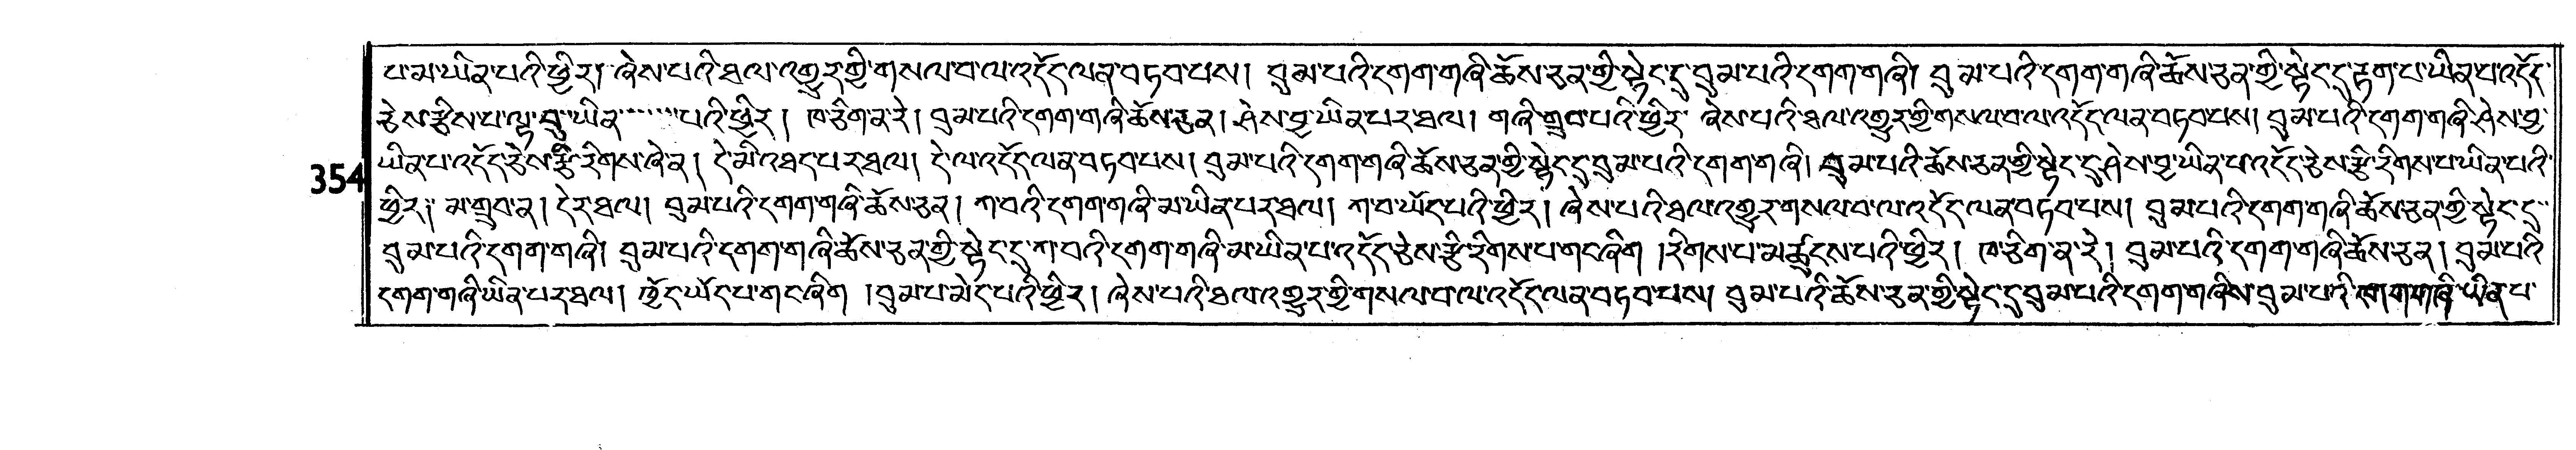པ་མ་ཡིན་པའི་ཕྱིར། ཞེས་པའི་ཐལ་འགྱུར་གྱི་གསལ་བ་ལ་འདོད་ལན་བཏབ་པས། བུམ་པའི་དགག་གཞི་ཆོས་ཅན་གྱི་སྟེང་དུ་བུམ་པའི་དགག་གཞི། བུམ་པའི་དགག་གཞི་ཆོས་ཅན་གྱི་སྟེང་དུ་རྟག་པ་ཡིན་པ་འདོད་
ཅེས་རྩིས་པ་ལྟ་བུ་ཡིན་པའི་ཕྱིར། ཁ་ཅིག་ན་རེ། བུམ་པའི་དགག་གཞི་ཆོས་ཅན། ཤེས་བྱ་ཡིན་པར་ཐལ། གཞི་གྲུབ་པའི་ཕྱིར་ཞེས་པའི་ཐལ་འགྱུར་གྱི་གསལ་བ་ལ་འདོད་ལན་བཏབ་པས། བུམ་པའི་དགག་གཞི་ཤེས་བྱ་
ཡིན་པ་འདོད་ཅེས་རྩི་རིགས་ཞེ་ན། དེ་མི་འཐད་པར་ཐལ། དེ་ལ་འདོད་ལན་བཏབ་པས། བུམ་པའི་དགག་གཞི་ཆོས་ཅན་གྱི་སྟེང་དུ་བུམ་པའི་དགག་གཞི། བུམ་པའི་ཆོས་ཅན་གྱི་སྟེང་དུ་ཤེས་བྱ་ཡིན་པ་འདོད་ཅེས་རྩེས་རིགས་པ་ཡིན་པའི་
ཕྱིར༑ མ་གྲུབ་ན། དེར་ཐལ། བུམ་པའི་དགག་གཞི་ཆོས་ཅན། ཀ་བའི་དགག་གཞི་མ་ཡིན་པར་ཐལ། ཀ་བ་ཡོད་པའི་ཕྱིར། ཞེས་པའི་ཐལ་འགྱུར་གསལ་བ་ལ་འདོད་ལན་བཏབ་པས། བུམ་པའི་དགག་གཞི་ཆོས་ཅན་གྱི་སྟེང་དུ་
བུམ་པའི་དགག་གཞི། བུམ་པའི་དགག་གཞི་ཆོས་ཅན་གྱི་སྟེང་དུ་ཀ་བའི་དགག་གཞི་མ་ཡིན་པ་འདོད་ཅེས་རྩི་རིགས་པ་གང་ཞིག །རིགས་པ་མཚུངས་པའི་ཕྱིར། ཁ་ཅིག་ན་རེ། བུམ་པའི་དགག་གཞི་ཆོས་ཅན། བུམ་པའི་
དགག་གཞི་ཡིན་པར་ཐལ། ཁྱོད་ཡོད་པ་གང་ཞིག །བུམ་པ་མེད་པའི་ཕྱིར། ཞེས་པའི་ཐལ་འགྱུར་གྱི་གསལ་བ་ལ་འདོད་ལན་བཏབ་པས། བུམ་པའི་ཆོས་ཅན་གྱི་སྟེང་དུ་བུམ་པའི་དགག་གཞིས་བུམ་པའི་དགག་གཞི་ཡིན་པ་